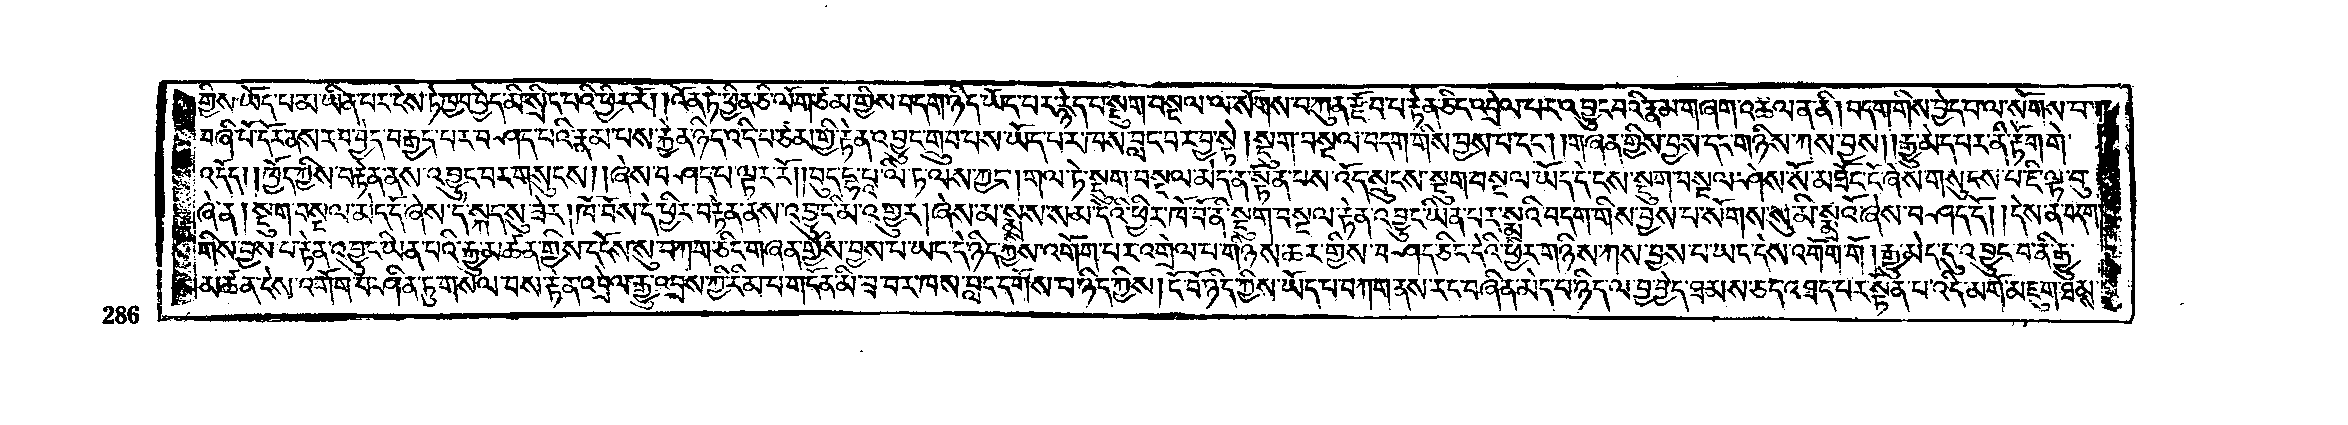གྱིས་ཡོད་པ་མ་ཡིན་པར་ངེས་ཏེ་ཁྱབ་བྱེད་མི་སྲིད་པའི་ཕྱིར་རོ། །འོན་ཏེ་ཕྱིན་ཅི་ལོག་ཙམ་གྱིས་བདག་ཉིད་ཡོད་པར་རྙེད་པ་སྡུག་བསྔལ་ལ་སོགས་པ་ཀུན་རྫོབ་པ་རྟེན་ཅིང་འབྲེལ་པར་འབྱུང་བའི་རྣམ་གཞག་འཚལ་ན་ནི། བདག་གིས་བྱེད་པ་ལ་སོགས་པ་
བཞི་པོ་དོར་ནས་རབ་བྱེད་བརྒྱད་པར་བཤད་པའི་རྣམ་པས་རྐྱེན་ཉིད་འདི་པ་ཙམ་གྱི་རྟེན་འབྱུང་གྲུབ་པས་ཡོད་པར་ཁས་བླང་བར་བྱ་སྟེ། སྡུག་བསྔལ་བདག་གིས་བྱས་པ་དང་། །གཞན་གྱིས་བྱས་དང་གཉིས་ཀས་བྱས། །རྒྱུ་མེད་པར་ནི་རྟོག་གི་
འདོད། །ཁྱོད་ཀྱིས་བརྟེན་ནས་འབྱུང་བར་གསུངས། །ཞེས་བཤད་པ་ལྟར་རོ། །བུད་དྷ་པཱ་ལི་ཏ་ལས་ཀྱང་། གལ་ཏེ་སྡུག་བསྔལ་མེད་ན་སྟོན་པས་འོད་སྲུངས་སྡུག་བསྔལ་ཡོད་དེ་ངས་སྡུག་བསྔལ་ཤེས་སོ་མཐོང་ངོ་ཞེས་གསུངས་པ་ཇི་ལྟ་བུ་
ཞེ་ན། སྡུག་བསྔལ་མེད་དོ་ཞེས་དེ་སྐད་དུ་ཟེར། ཁོ་བོས་དེ་ཕྱིར་བརྟེན་ནས་འབྱུང་མི་འགྱུར། ཞེས་མ་སྨྲས་སམ་དེའི་ཕྱིར་ཁོ་བོ་ནི་སྡུག་བསྔལ་རྟེན་འབྱུང་ཡིན་པར་སྨྲའི་བདག་གིས་བྱས་པ་སོགས་སུ་མི་སྨྲའོ་ཞེས་བཤད་དོ། །དེས་ན་བདག་
གིས་བྱས་པ་རྟེན་འབྱུང་ཡིན་པའི་རྒྱུ་མཚན་གྱིས་དངོས་སུ་བཀག་ཅིང་གཞན་གྱིས་བྱས་པ་ཡང་དེ་ཉིད་ཀྱིས་འགོག་པར་འགྲེལ་པ་གཉིས་ཆར་གྱིས་བཤད་ཅིང་དེའི་ཕྱིར་གཉིས་ཀས་བྱས་པ་ཡང་དེས་འགོག་གོ། རྒྱུ་མེད་དུ་འབྱུང་བ་ནི་རྒྱུ་
མཚན་དེས་འགོག་པ་ཤིན་ཏུ་གསལ་བས་རྟེན་འབྲེལ་རྒྱུ་འབྲས་ཀྱི་རིམ་པ་གདོན་མི་ཟ་བར་ཁས་བླང་དགོས་པ་ཉིད་ཀྱིས། ངོ་བོ་ཉིད་ཀྱིས་ཡོད་པ་བཀག་ནས་རང་བཞིན་མེད་པ་ཉིད་ལ་བྱ་བྱེད་ཐམས་ཅད་འཐད་པར་སྟོན་པ་འདི་མགོ་མཇུག་ཐམས་